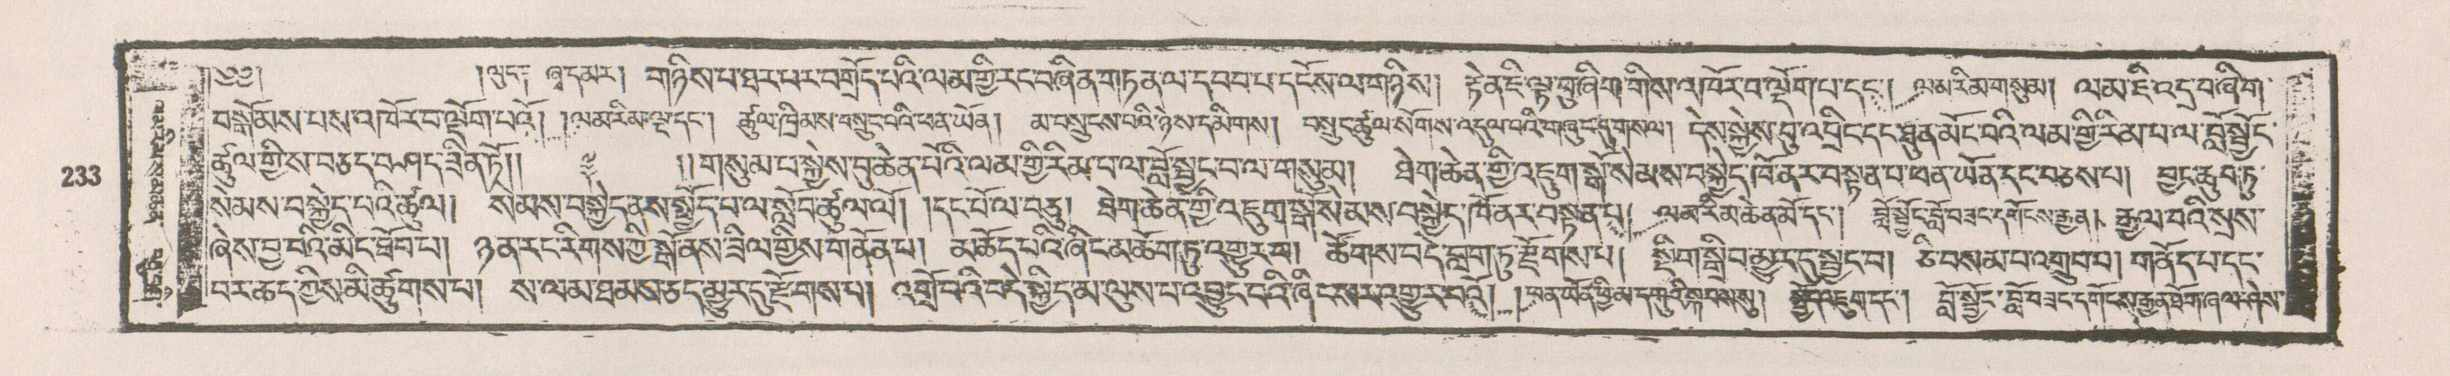༄༅། ། ལུང༑ ཞྭ་དམར། གཉིས་པ་ཐར་པར་བགྲོད་པའི་ལམ་གྱི་རང་བཞིན་གཏན་ལ་དབབ་པ་དངོས་ལ་གཉིས། རྟེན་ཇི་ལྟ་བུ་ཞིག་གིས་འཁོར་བ་ལྡོག་པ་དང་། ལམ་རིམ་གསུམ།  ལམ་ཇི་འདྲ་བ་ཞིག་
བསྒོམས་པས་འཁོར་བ་ལྡོག་པའོ། ། ལམ་རིམ་ལྔ་དང་། ཚུལ་ཁྲིམས་བསྲུང་བའི་ཕན་ཡོན། མ་བསྲུངས་བའི་ཉེས་དམིགས། བསྲུང་ཚུལ་སོགས་འདུལ་བའི་གཞུང་དུ་གསལ།  དེས་སྐྱེས་བུ་འབྲིང་དང་ཐུན་མོང་བའི་ལམ་གྱི་རིམ་པ་ལ་བློ་སྦྱོང་
ཚུལ་གྱི་ས་བཅད་བཤད་ཟིན་ཏོ།། ༈ །།གསུམ་པ་སྐྱེས་བུ་ཆེན་པོའི་ལམ་གྱི་རིམ་པ་ལ་བློ་སྦྱང་བ་ལ་གསུམ། ཐེག་ཆེན་གྱི་འཇུག་སྒོ་སེམས་བསྐྱེད་ཁོ་ནར་བསྟན་པ་ཕན་ཡོན་དང་བཅས་པ། བྱང་ཆུབ་ཏུ་
སེམས་བསྐྱེད་པའི་ཚུལ། སེམས་བསྐྱེད་ནས་སྤྱོད་པ་ལ་སློབ་ཚུལ་ལོ། །དང་པོ་ལ་བཅུ། ཐེག་ཆེན་གྱི་འཇུག་སྒོ་སེམས་བསྐྱེད་ཁོ་ནར་བསྟན་པ། ལམ་རིམ་ཆེན་མོ་དང་། བློ་སྦྱོང་བློ་བཟང་དགོངས་རྒྱན།  རྒྱལ་བའི་སྲས་
ཞེས་བྱ་བའི་མིང་ཐོབ་པ། ཉན་རང་རིགས་ཀྱི་སྒོ་ནས་ཟིལ་གྱིས་གནོན་པ། མཆོད་པའི་ཞིང་མཆོག་ཏུ་འགྱུར་བ། ཚོགས་བདེ་བླག་ཏུ་རྫོགས་པ། སྡིག་སྒྲིབ་མྱུར་དུ་སྦྱང་བ། ཅི་བསམ་པ་འགྲུབ་པ། གནོད་པ་དང་
བར་ཆད་ཀྱིས་མི་ཚུགས་པ། ས་ལམ་ཐམས་ཅད་མྱུར་དུ་རྫོགས་པ། འགྲོ་བའི་བདེ་སྐྱིད་མ་ལུས་པ་འབྱུང་བའི་ཞིང་སར་འགྱུར་བའོ། ། ཕན་ཡོན་ཕྱི་མ་དགུའི་སྐབས་སུ། སྤྱོད་འཇུག་དང་། བློ་སྦྱོང་བློ་བཟང་དགོངས་རྒྱན་ཐོག་ཞལ་ཤེས